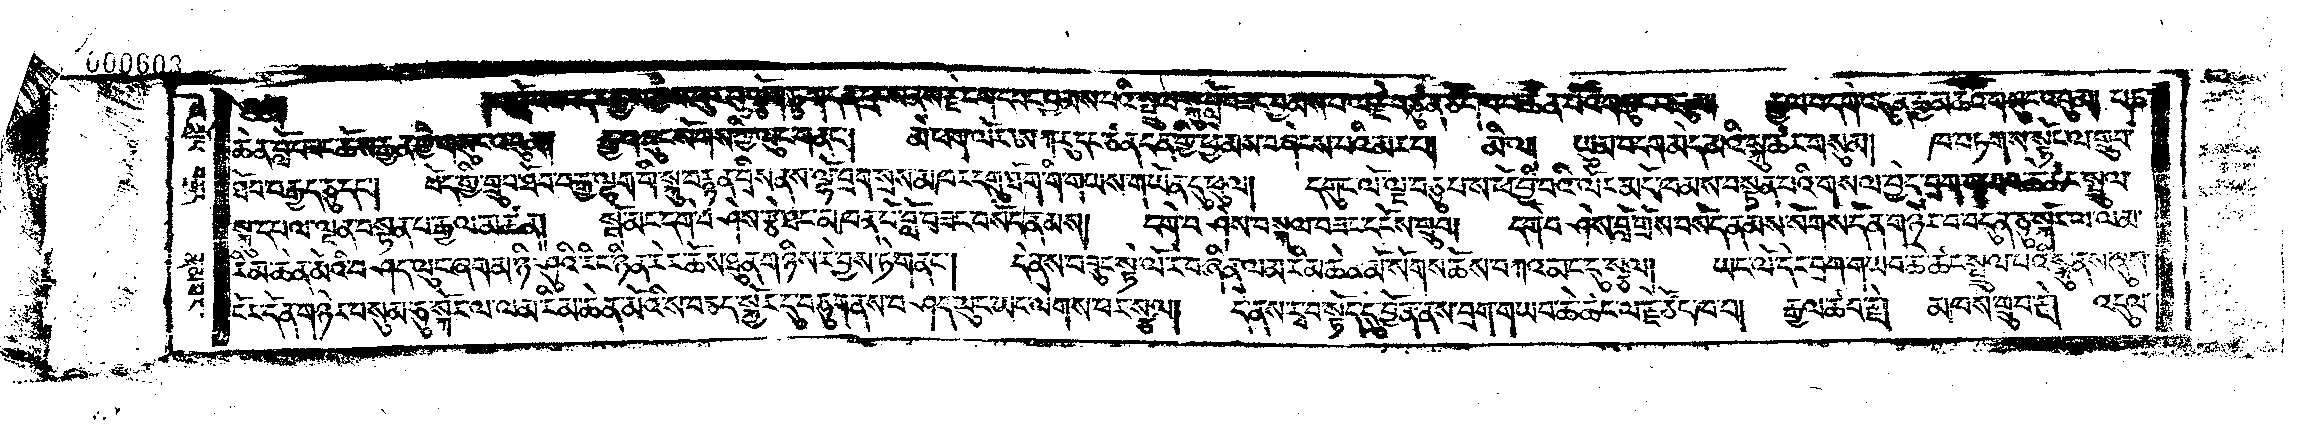༄༅། །པ་བློ་བཟང་དར་རྒྱས་ཀྱིས་ཕུར་བུ་ལྕོག་ཏུ་གདན་དྲངས་ནས་རྗེ་ངག་དབང་བྱམས་པའི་སྤྲུལ་སྐུ་བློ་བཟང་བྱམས་པ་ལ་རྗེ་བཙུན་ཙོང་ཁ་པ་ཆེན་པོའི་གསུང་འབུམ། རྒྱལ་བ་དགེ་འདུན་རྒྱ་མཚོའི་གསུང་འབུམ། པཎ་
ཆེན་བློ་བཟང་ཆོས་རྒྱན་གྱི་གསུང་འབུམ། རྒྱ་གཞུང་སོགས་ཀྱི་ལུང་གནང་། མོ་ཕག་ལོར་ཨཀ་རུ་དང་ཙན་དན་གྱི་ཕྱེ་མས་བཞེངས་པའི་མར་བ། མི་ལ། ཡུམ་བདག་མེད་མའི་སྐུ་ཚར་གསུམ། ཁ་བཏགས་སྟོང་ལ་གྲུབ་
ཐོབ་བརྒྱད་ཅུ་དང་། བོད་ཀྱི་གྲུབ་ཐོབ་བརྒྱ་ལྷག་གི་སྐུ་བརྙན་བྲིས་ནས་ལྷོ་བྲག་སྲས་མཁར་དགུ་ཐོག་གི་གཡས་གཡོན་དུ་ཕུལ། དགུང་ལོ་ལྔ་བཅུ་པས་ཕོ་བྱི་བའི་ལོར་མདོ་ཁམས་བསྟན་པའི་གསལ་བྱེད་བྲག་གཡབ་ཆེ་ཚང་སྤྲུལ་
སྐུ་དཔལ་ལྡན་བསྟན་པ་རྒྱལ་མཚན། སྒོ་མང་དགེ་བཤེས་རྩེ་ཐང་མཁན་པོ་བློ་བཟང་བསོད་ནམས། དགེ་བཤེས་བསྐལ་བཟང་དངོས་གྲུབ། དགེ་བཤེས་བློ་གྲོས་བསོད་ནམས་སོགས་དོན་གཉེར་བ་བདུན་ཅུ་སྐོར་ལ་ལམ་
རིམ་ཆེན་མོའི་བཤད་ལུང་ཞག་མ་ཉི་ཤུའི་རིང་ཉིན་རེར་ཆོས་ཐུན་གཉིས་རེ་བྱས་ཏི་གནང་། དེ་ནས་བཟུང་སྟེ་ལོ་རེ་བཞིན་ལམ་རིམ་ཆེན་མོ་སོགས་ཆོས་བཀའ་མང་དུ་སྩལ། ཡང་ལོ་དེང་བྲག་གཡབ་ཆེ་ཚང་སྤྲུལ་པའི་སྐུ་ནས་ཞུས་
ངོར་དོན་གཉེར་བ་སུམ་ཅུ་སྐོར་ལ་ལམ་རིམ་ཆེན་མོའི་ས་བཅད་སྐྱོར་དུ་བཅུག་ནས་བཤད་ལུང་ཡང་ལེགས་བར་སྩལ། དེ་ནས་རྭ་བ་སྟོད་དུ་བྱོན་ནས་བྲག་གཡབ་ཆེ་ཚང་ལ་རྗེ་ཙོང་ཁ་བ། རྒྱལ་ཚབ་རྗེ། མཁས་གྲུབ་རྗེ། འདུལ་